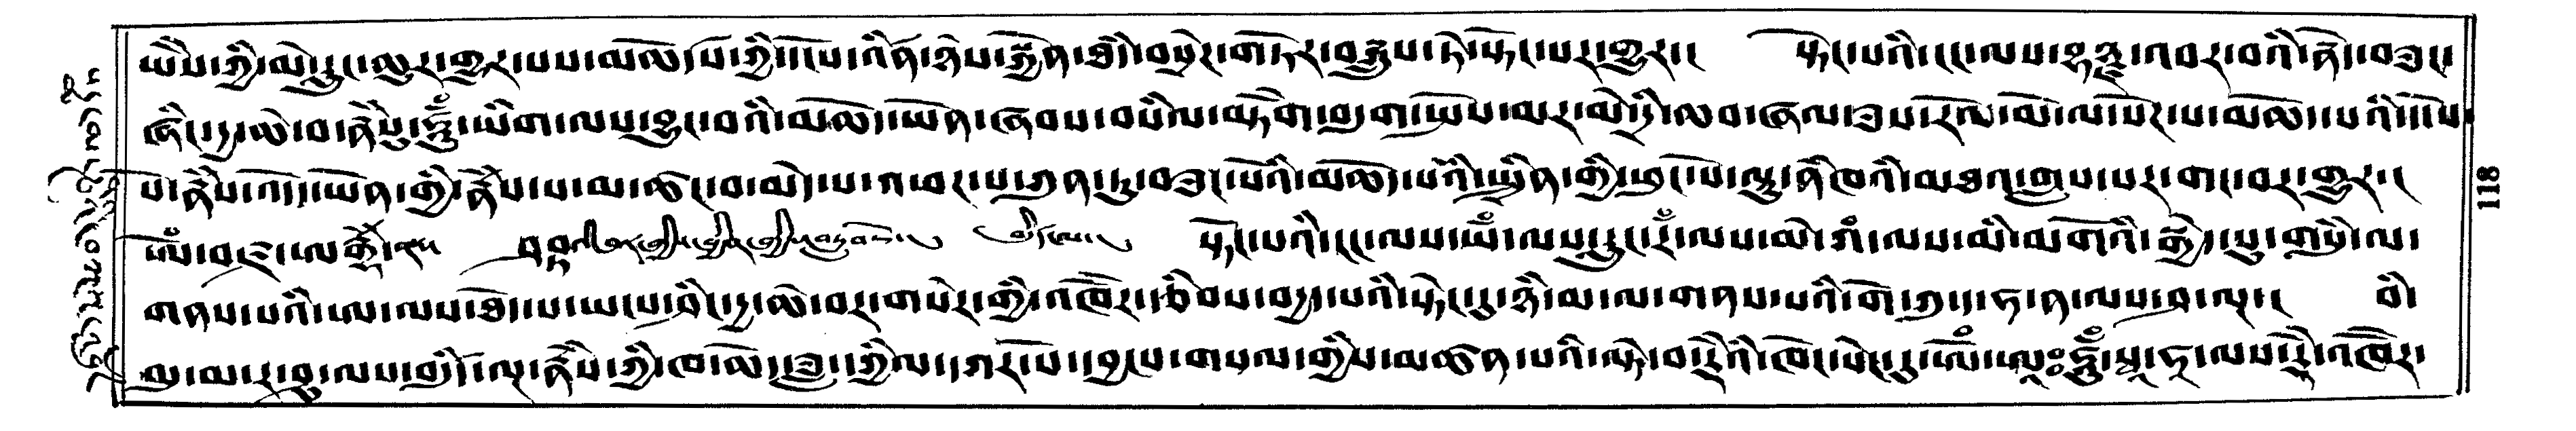ཡེ་ཤེས་ཀྱི་མེ་རླུང་ཆུར་གྱུར་པས་མཆོད་རྫས་ཀྱི་དངོས་འཛིན་ཉེས་སྐྱོན་ཐམས་ཅད་བསྲེགས་གཏོར་བསྐྲུས་ཏེ་སྟོང་པར་གྱུར། སྟོང་པའི་ངང་ལས་བྷཉྫ་འབར་བའི་སྣོད་བཟང་
ཞིང་རྒྱ་ཆེ་བ་རྣམས་སུ་ཧཱུྃ་ཡིག་ལས་བྱུང་བའི་མཆོད་ཡོན་ཞབས་བསིལ་མེ་ཏོག་བདུག་སྤོས་མར་མེ་དྲི་ཆབ་ཞལ་ཟས་རོལ་མོ་ལ་སོགས་པ་མཆོད་པའི་དངོས་
པོ་རྣམས་འདོད་ཡོན་གྱི་རྣམ་པ་མ་ཚང་བ་མེད་པ་འཕགས་པ་ཀུན་ཏུ་བཟང་པོའི་མཆོད་པའི་སྤྲིན་གྱི་ཕུང་པོ་ལྟ་བུ་ནམ་མཁའི་མཐའ་བླས་པར་གང་བར་གྱུར།
ཨོཾ་བཛྲ་ཨརྒྷཾ་ནས་ཤབྟའི་བར་གྱིས་བྱིན་གྱིས་བརླབས། བདུད་རྩི་ལ། སྟོང་པའི་ངང་ལས་ཡྃ་ལས་རླུང་། རྃ་ལས་མེ་ཀཾ། ལས་མི་མགོའི་སྒྱེད་པུ་གསུམ་ལ་
གནས་པའི་ཨ་ལས་ཐོད་པ་ཡངས་ཤིང་རྒྱ་ཆེ་བར་གསེར་གྱི་འཁོར་ལོ་རྩིབས་བརྒྱད་པའི་སྟེང་དུ་ཉི་མ་ལ་གནས་པའི་གོ་ཀུ་ད་ཧ་ན་ལས་ཤ་ལྔ་། བི་
མུ་མ་ར་ཤུ་ལས་བདུད་རྩི་ལྔ་རྣམས་ཀྱི་ཁ་ཆོད་ཟླ་དཀྱིལ་དཀར་པོ་དབྱངས་གསལ་གྱིས་མཚན་པའི་ལྟེ་བ་རྡོ་རྗེའི་ཁོང་སེང་དུ་ཨོཾ་ཨཱཿཧཱུྃ་སྭ་ཧཱ་ལས་རྡོ་རྗེ་འཁོར་ལོ་